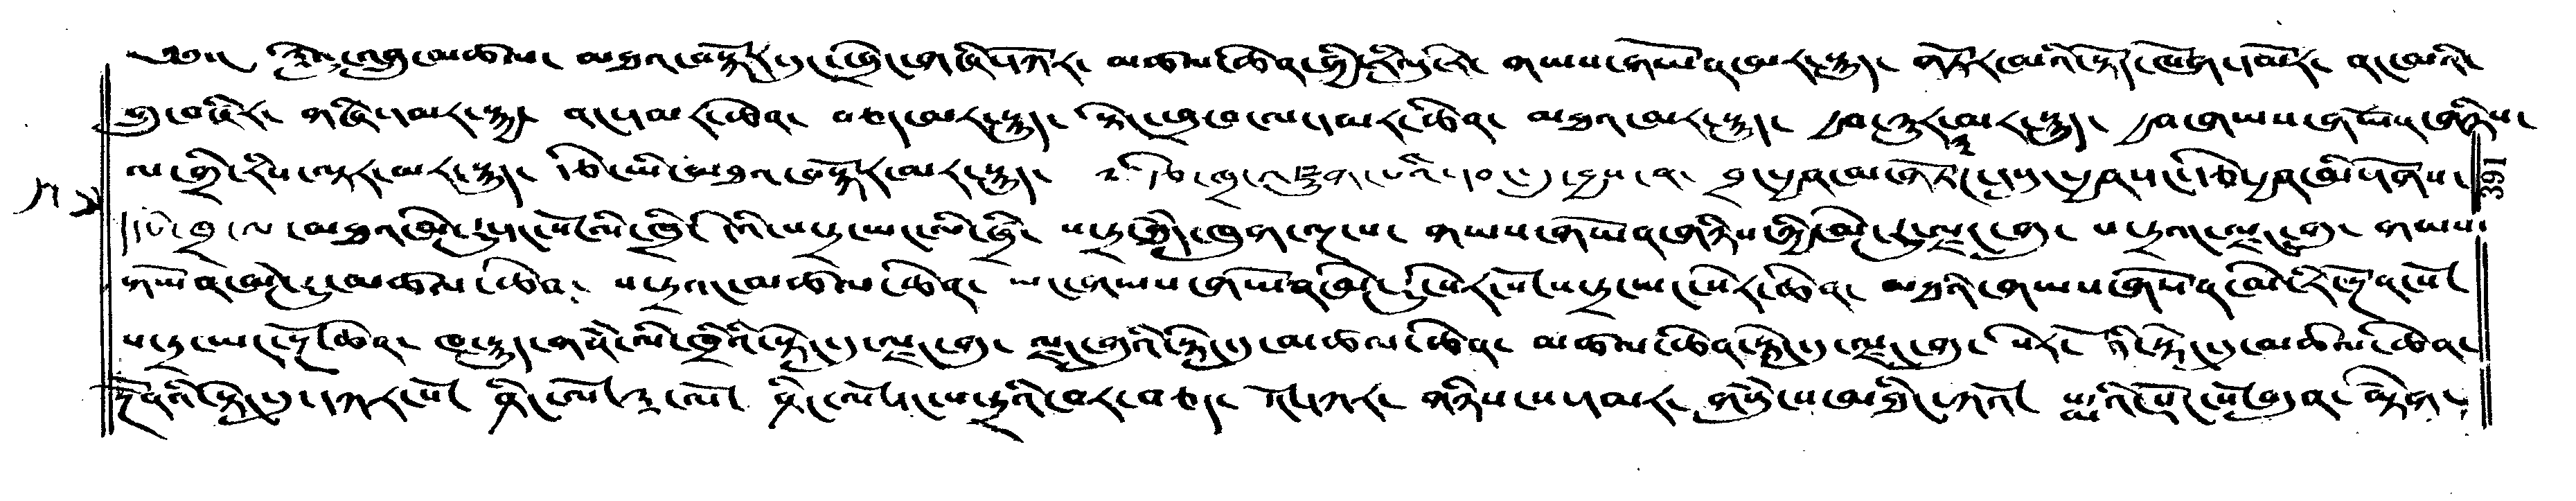ཟེའུ་འབྲུ་མཚལ། མཐའ་བསྐོར་དུང་ཕྲེང་གཞི་དཀར་པོ། མཚལ་ཆེན་གྱི་རིལ་བུ་རེ། གཡས་གཡོན་མར་སྐུད། གཏོར་མའི་སྟོད་ཁོག་དམར་པོ། ནང་མའི་
གྲུ་བཞིར། གཞི་དམར་སྐྱ། ནང་དམར་ཆེན། བཅད་མར་སྐུད། སྟེང་ཕྲ་བ་ལ་དམར་ཆེན། མཐའ་མར་སྐུད། རྒྱབ་ཟུར་གསུམ་མར་སྐུད། རྒྱབ་གཡས་གཡོན་གཉིས་
ལ་གྲི་རིས་ལྟར་མར་སྐུད། རྩེ་ཡི་མཐའ་བསྐོར་མར་སྐུད། རྩེ་ཁྲ་འཛུགས་པའི་དབང་དུ་བྱས་ན། བྲང་རྒྱན་མ་གཏོགས་དཔུང་རྒྱན་དང་རྩེ་རྒྱན་མི་དགོས། 
དཔེ་ཁྲ་ལ་མཐའ་མེ་རིས་དང་། སོ་ལི་ཁྲི། དེའི་པ་ཏྲ་ཡང་ལི་ཁྲི། པ་ཏྲ་ཐམས་ཅད་ཁུག་ལྔ་པ།གཡས་གཡོན་གཉིས་ཀྱི་མེ་རིས་ལྗང་གུ། པ་ཏྲའང་ལྗང་གུ། གཡས་
གཡོན་མེ་རིས་མཚལ་ཆེན། པ་ཏྲའང་མཚལ་ཆེན། ཡང་གཡས་གཡོན་མེ་རིས་སེར་པོ་པ་ཏྲ་ཡང་སེར་ཆེན། མཐའི་གཡས་གཡོན་མེ་རི་སྔོན་པོ། 
པ་ཏྲ་ཡང་སྔོ་ཆེན། ཁ་སྐུད་རྣམས་ལི་ཁྲིའི་སྟེང་དུ་ལྗང་གུ། ལྗང་གུའི་སྟེང་དུ་མཚལ་ཆེན། མཚལ་ཆེན་སྟེང་དུ་ལྗང་གུ། སེར་པོའི་སྟེང་དུ་མཚལ་ཆེན། 
སྔོན་པོའི་སྟེང་དུ་དཀར་པོ། ཤིང་ལོ་གསུམ་ལོ། ཤིང་ལོ་དང་པ་ཏྲའི་བར་བཅད། དང་པོ་དཀར། གཉིས་པ་དམར། གསུམ་པ་མཐིང་ཀའོ། །པདྨའི་སྡོང་པོ་བདུན། མེ་ཏོག